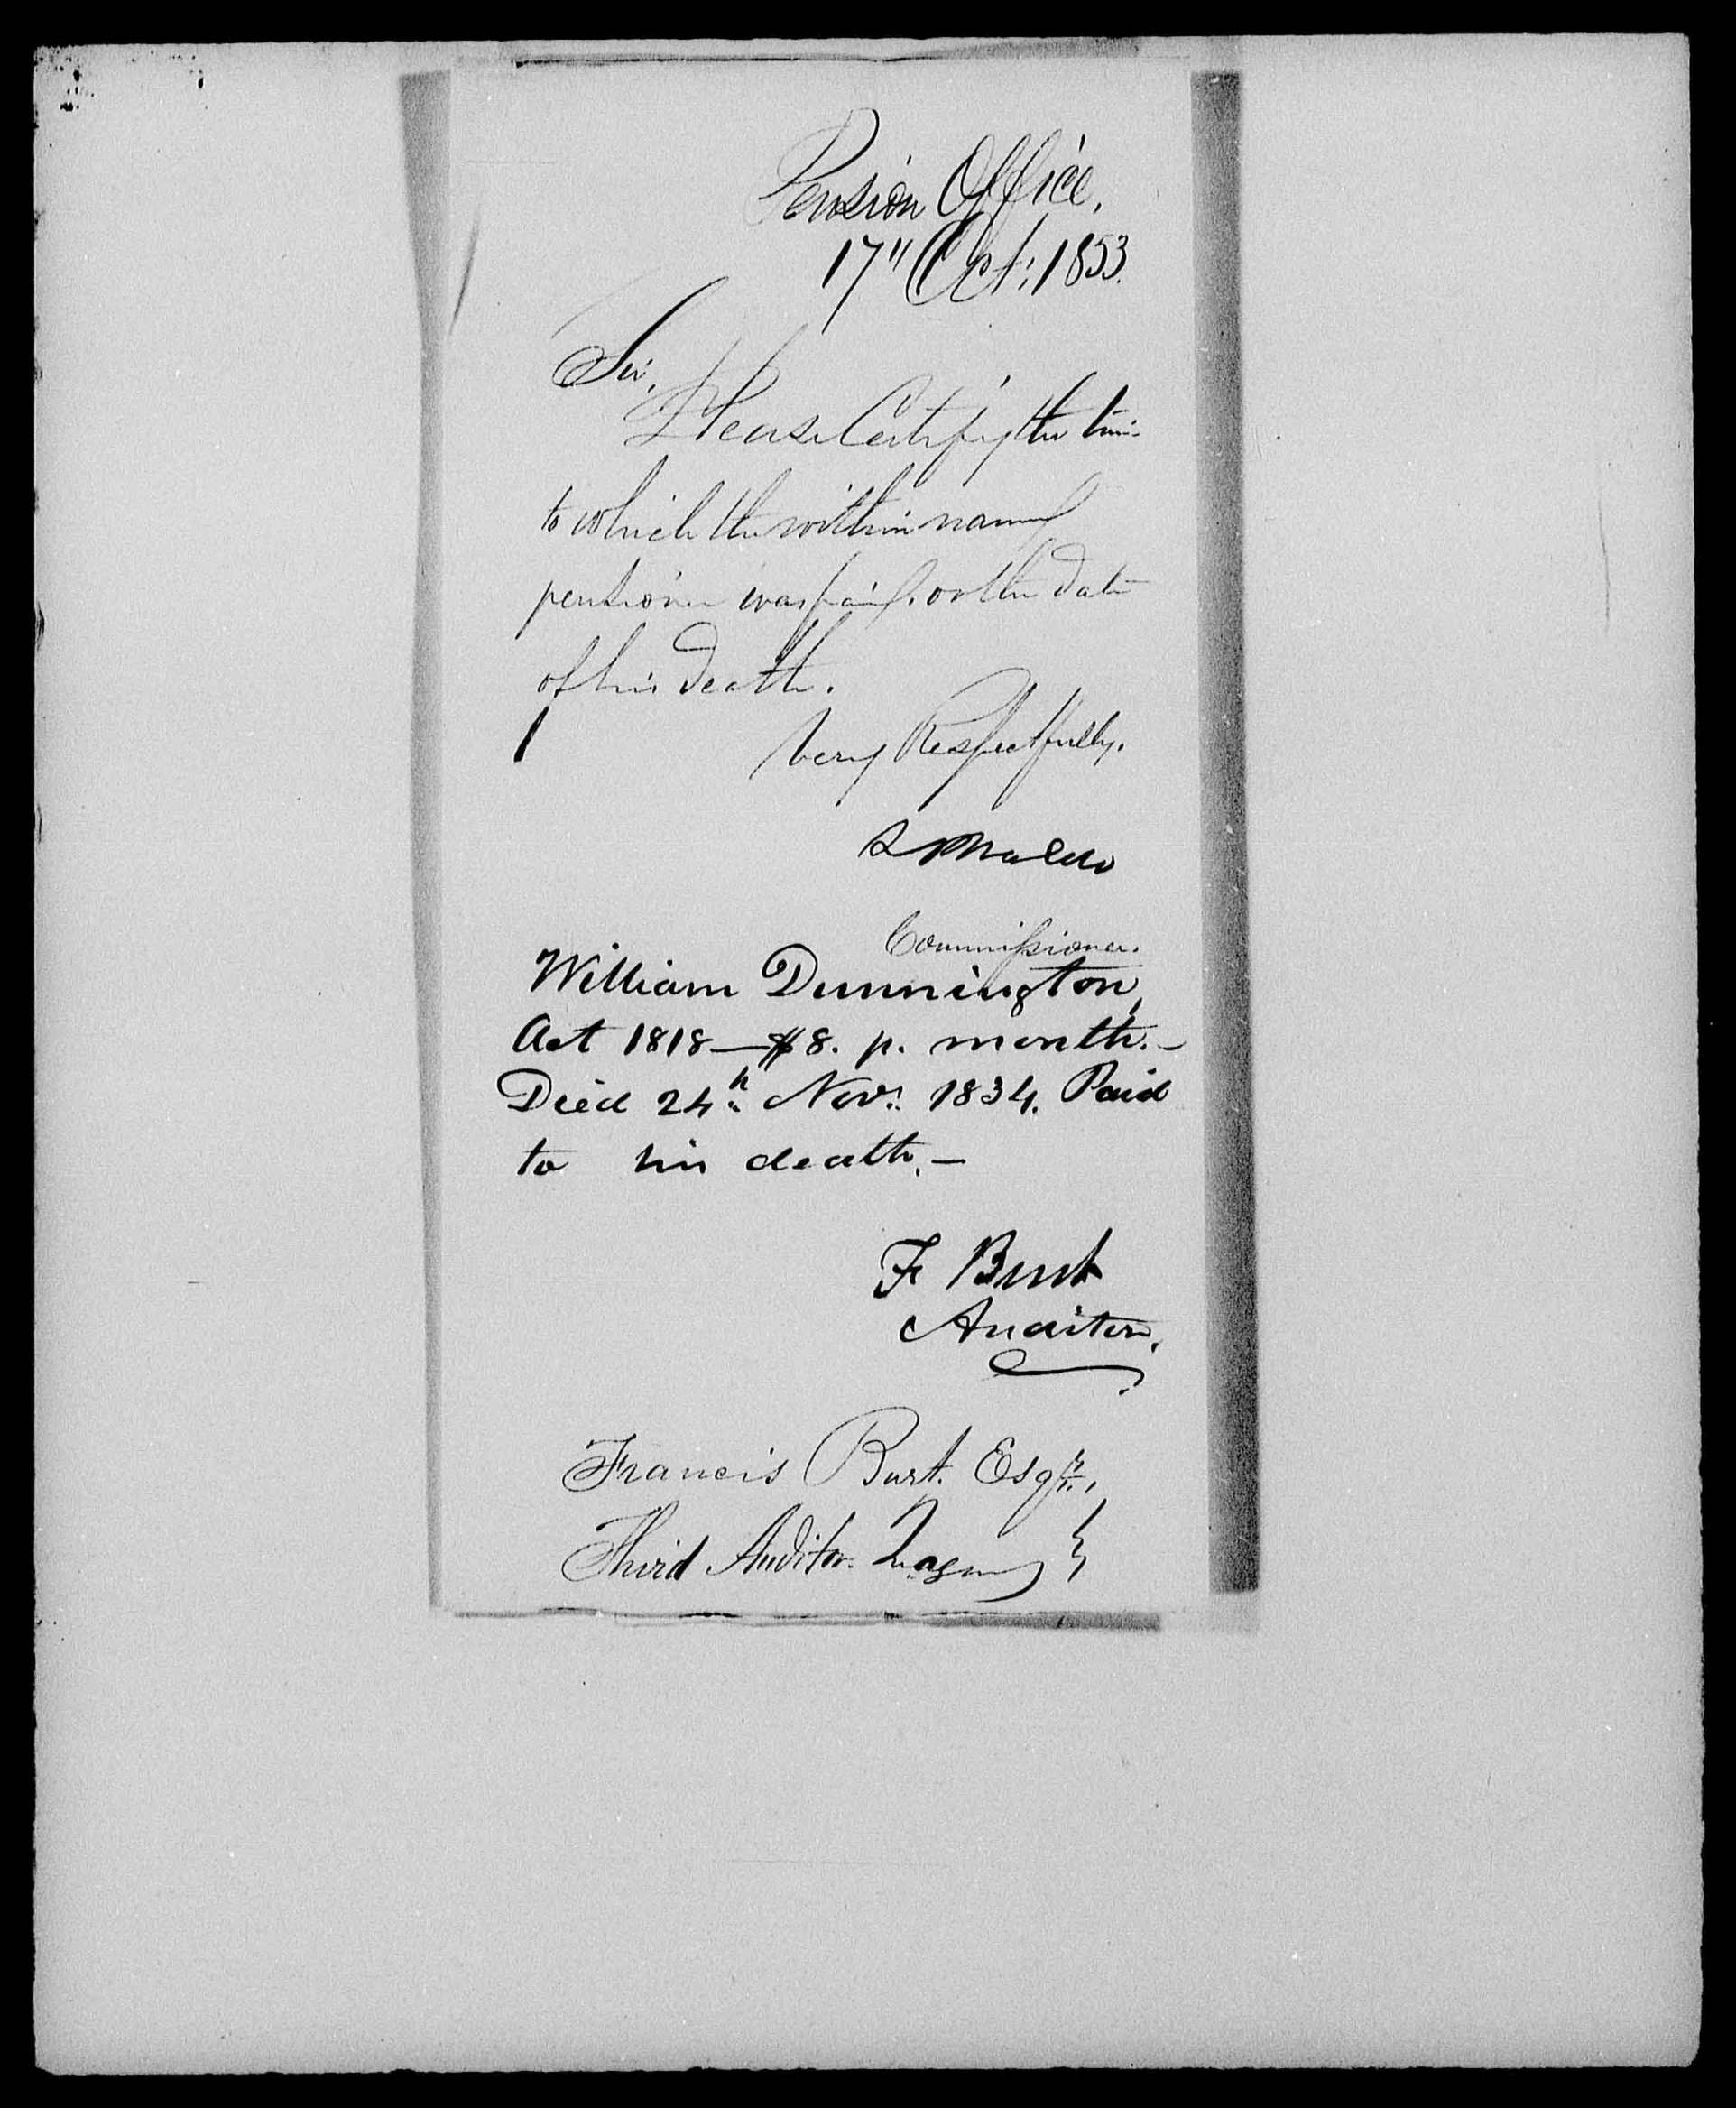Pension Office
17 Oct 1853

Sir

Please certify the time to which the within named pensioner was paid or the date of his death.

Very Respectfully

L P Waldo

Commissioner
William Dunnington
Act 1818 - $8 p month
Died 24th Nov 1834. Paid to his death.

F. Burt
Auditor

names: F Burt, L P Waldo, William Dunnington, Francis Burt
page: 33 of 51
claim: widow's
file: W. 27,409, William Dunnington, Md.